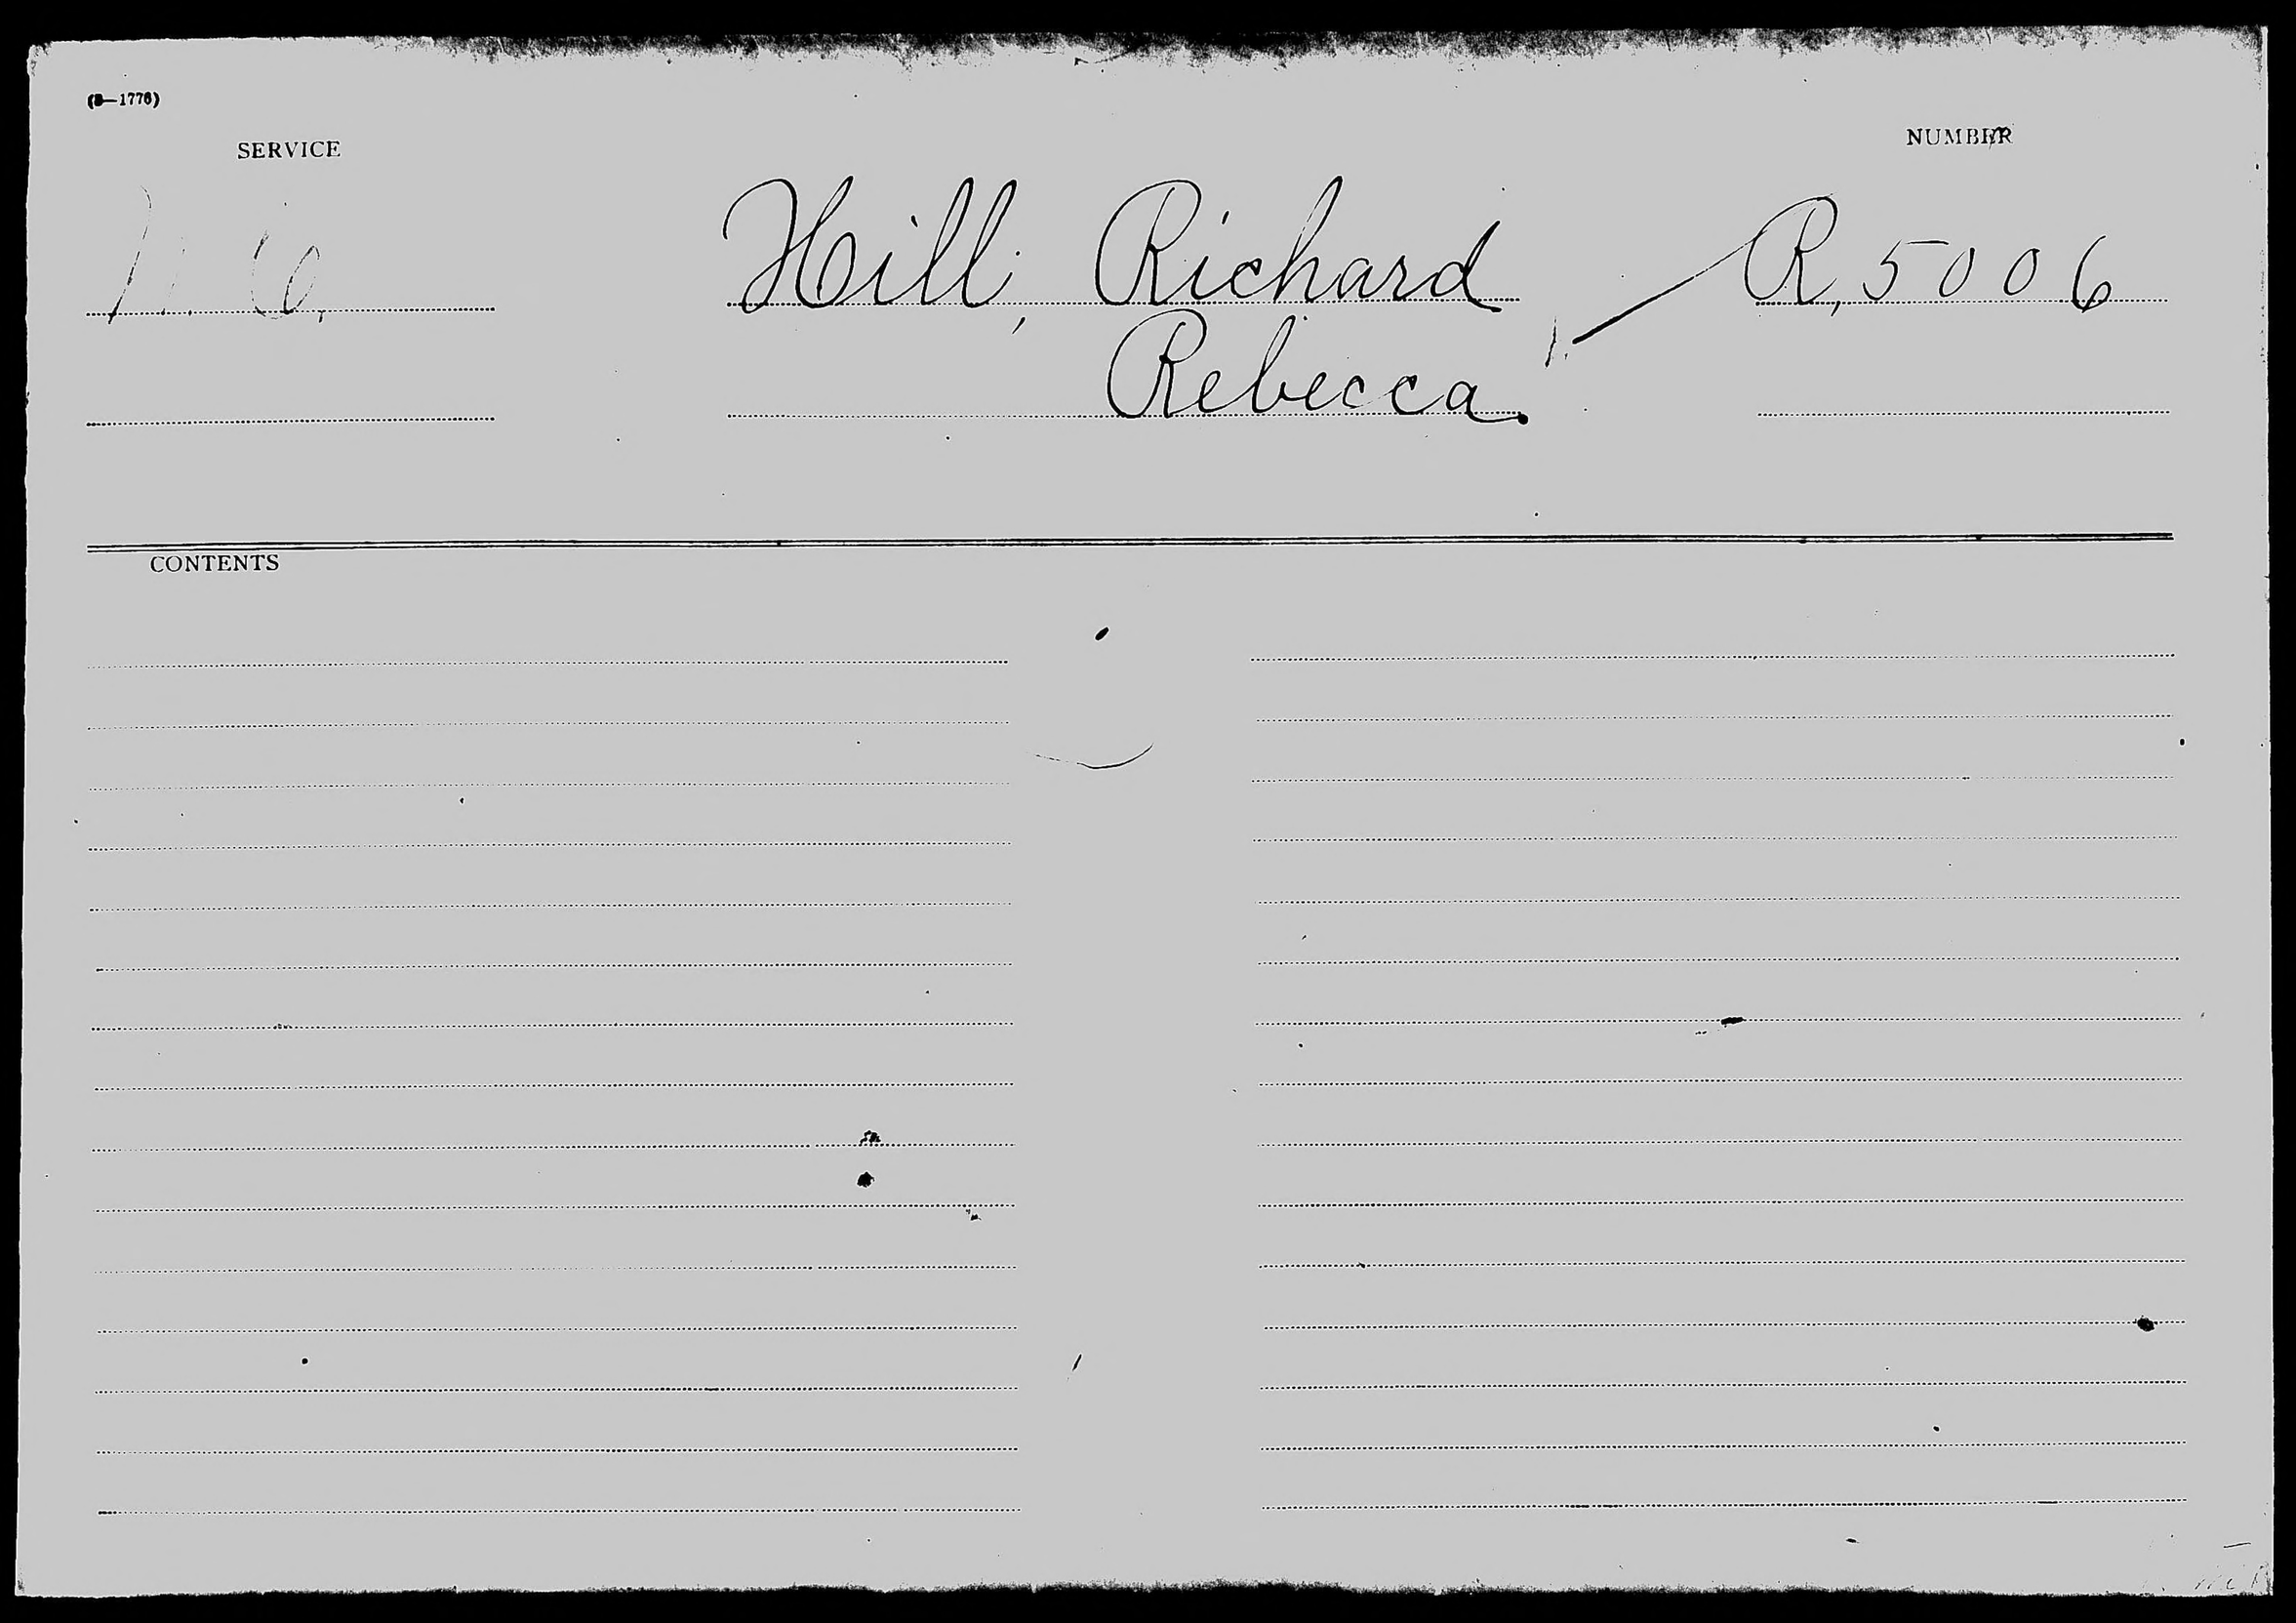[typed form, with handwritten responses]

[3-1776]

SERVICE
NC
Hill, Richard
        Rebecca

NUMBER
R.5006

CONTENTS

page: 1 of 27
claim: rejected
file: R. 5006, Richard Hill, N.C.